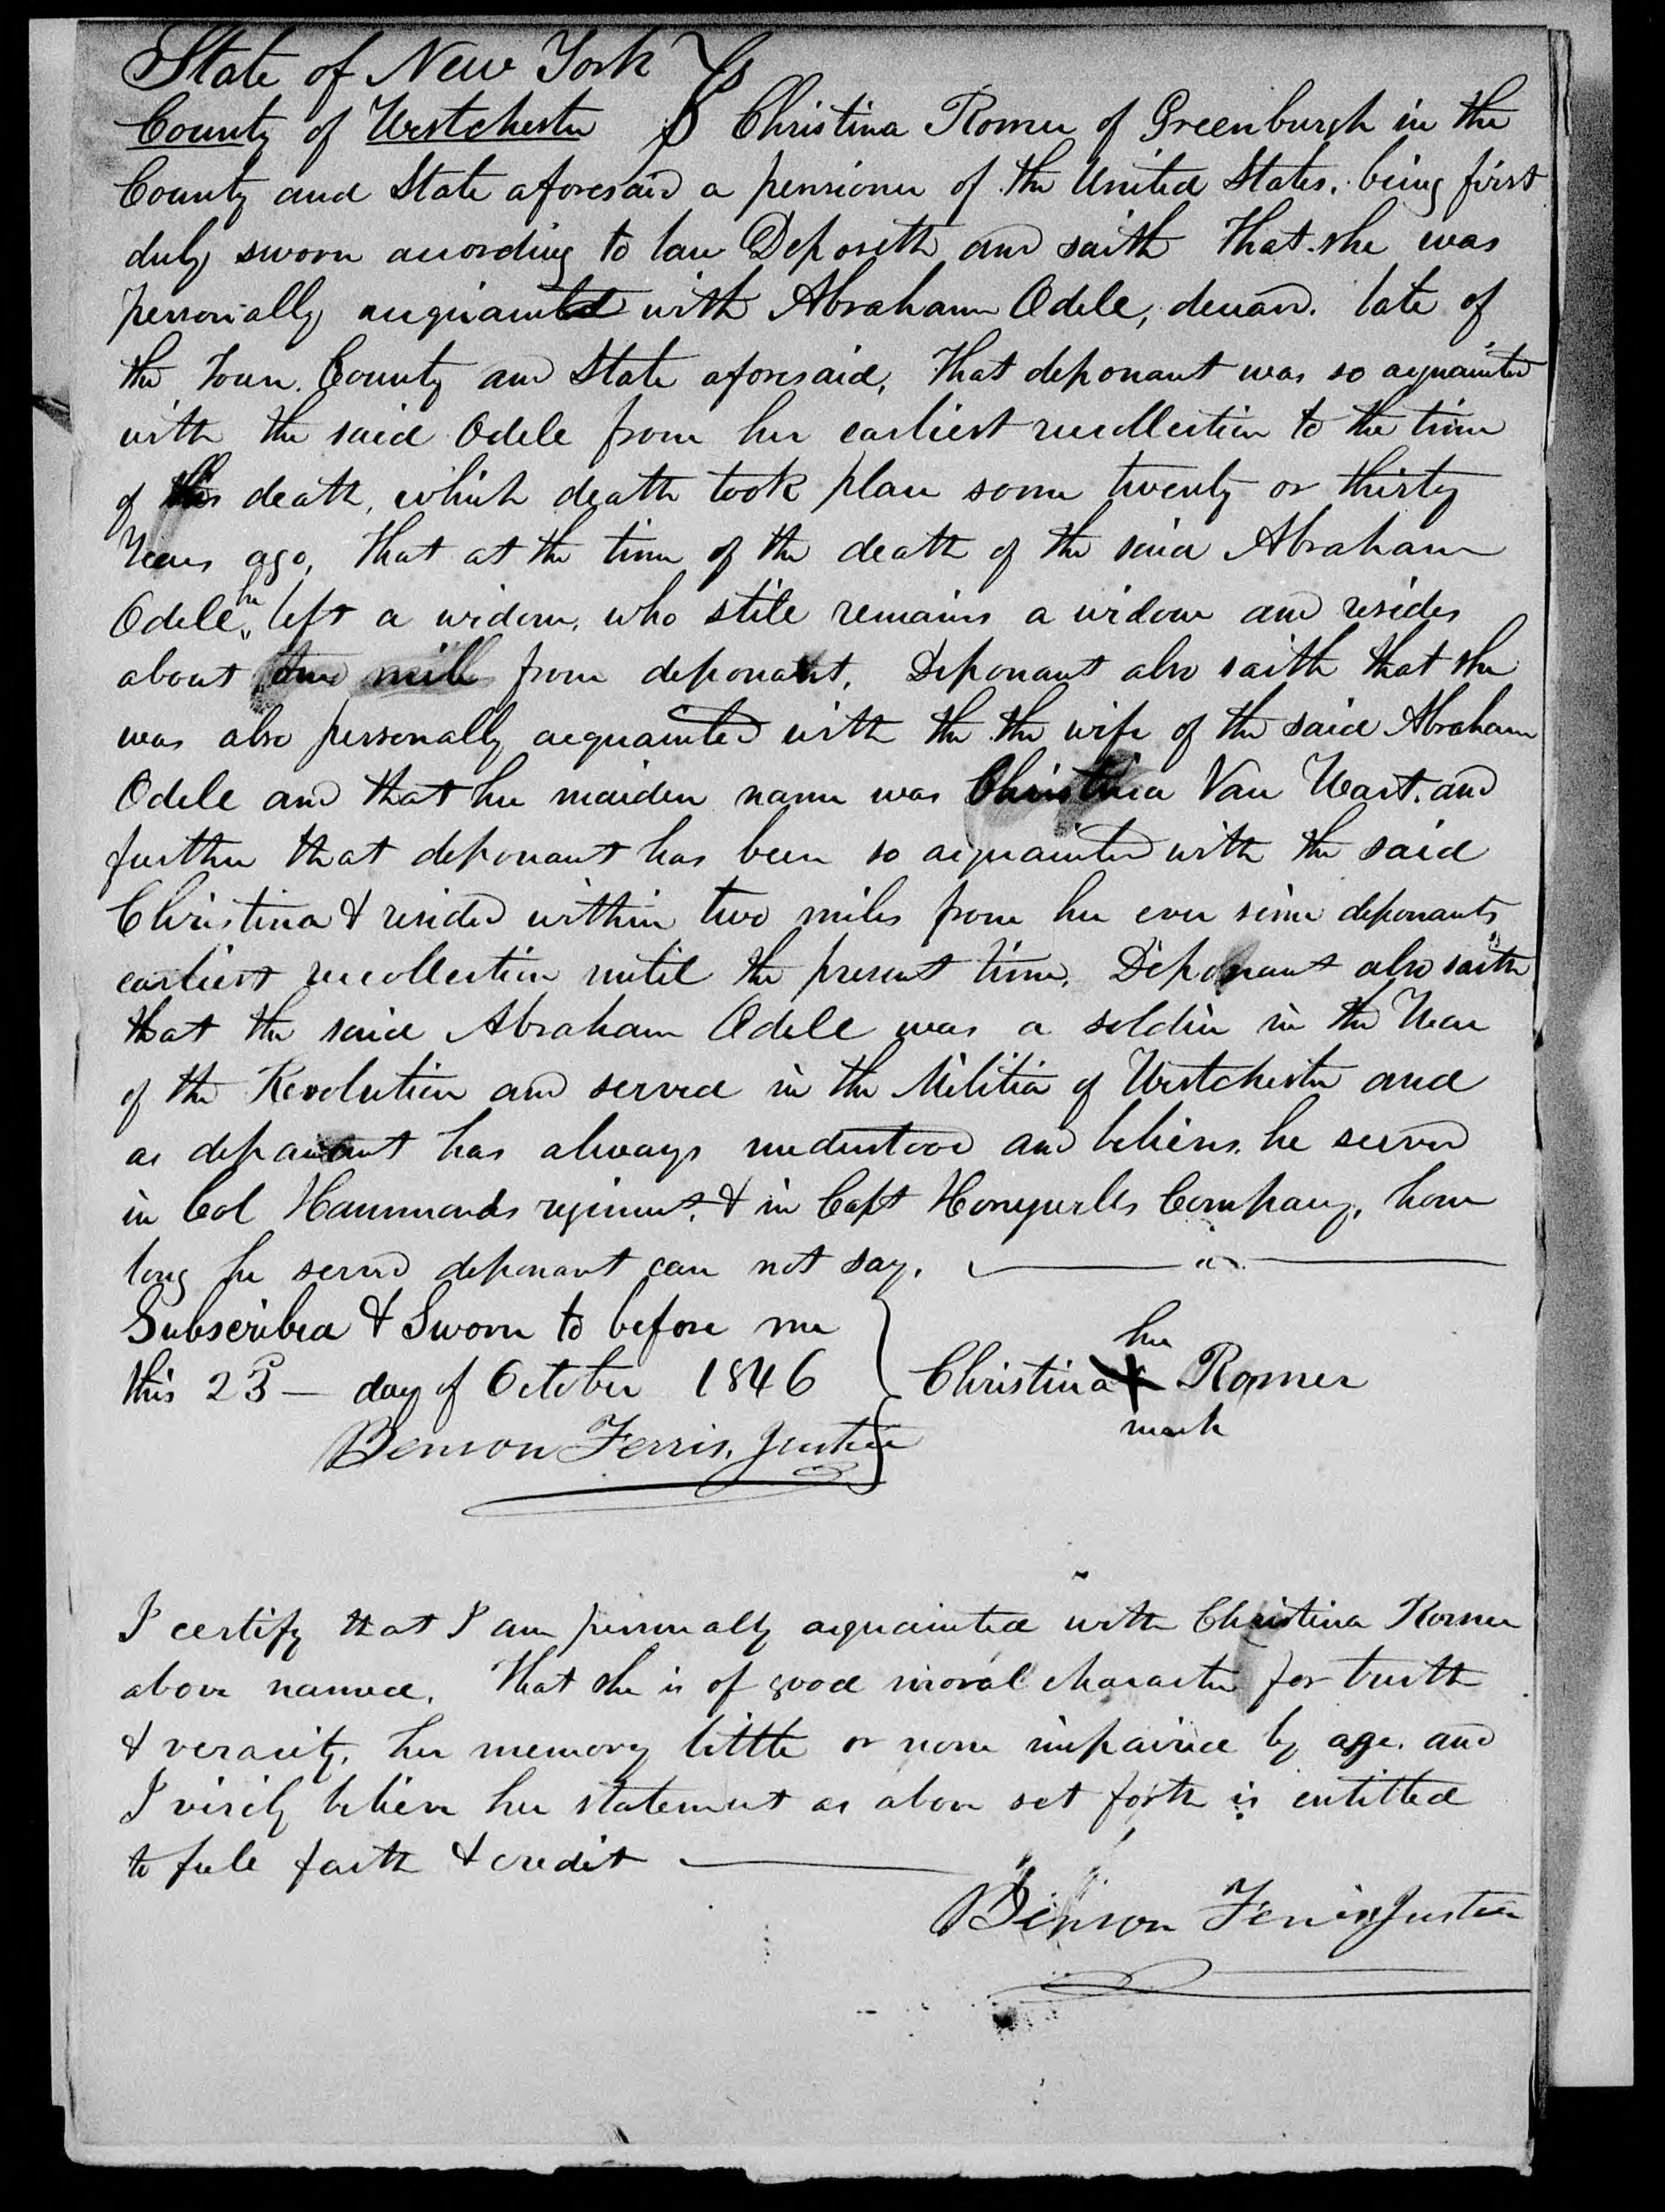State of New York County of Westchester [name of county underlined] } Ss.
Christina Romer of Greenburgh in the County and State aforesaid a pensioner of the United States, being first duly sworn according to law Deposeth and saith that she was personally acquainted with Abraham Odele, deceased, late of the Town County and State aforesaid. That deponent was so acquainted with the said Odele from her earliest recollection to the time of his death, which death took place some twenty or thirty Years ago, That at the time of the death of the said Abraham Odele [he -- inserted] left a widow, who still remains a widow and resides about one mile from deponant. Deponant also saith that she was also personally acquainted with the the [word repeated in original] wife of the said Abraham Odele and that her maiden name was Christina Van Wart, and further that deponant has been so acquainted with the said Christina & resided within two miles from her ever since deponants earliest recollection until the present time. Deponent also saith that the said Abraham Odell was a soldier in the War of the Revolution and served in the Militia of Westchester and as deponent has always understood and believes he served in Col Hammands regiment, & in Capt Honywells Company, how long he served deponent can not say. ----- Christina her X mark Romer

Subscribed & Sworn to before me this 23d --  day of October 1846 } 
Benson Ferris, Justice [signature] 

I certify that I am personally acquainted with Christina Romer above named. That she is of good moral character for truth & veracity, her memory little or none impaired by age and I verily believe her statement as above set forth is entitled to full faith & credit ---
Benson Ferris, Justice [signature]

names: Christina Van Wart; Benson Ferris; Abraham Odell; Christina Romer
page: 9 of 19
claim: widow's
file: W. 24363, for Abraham Odell, New York